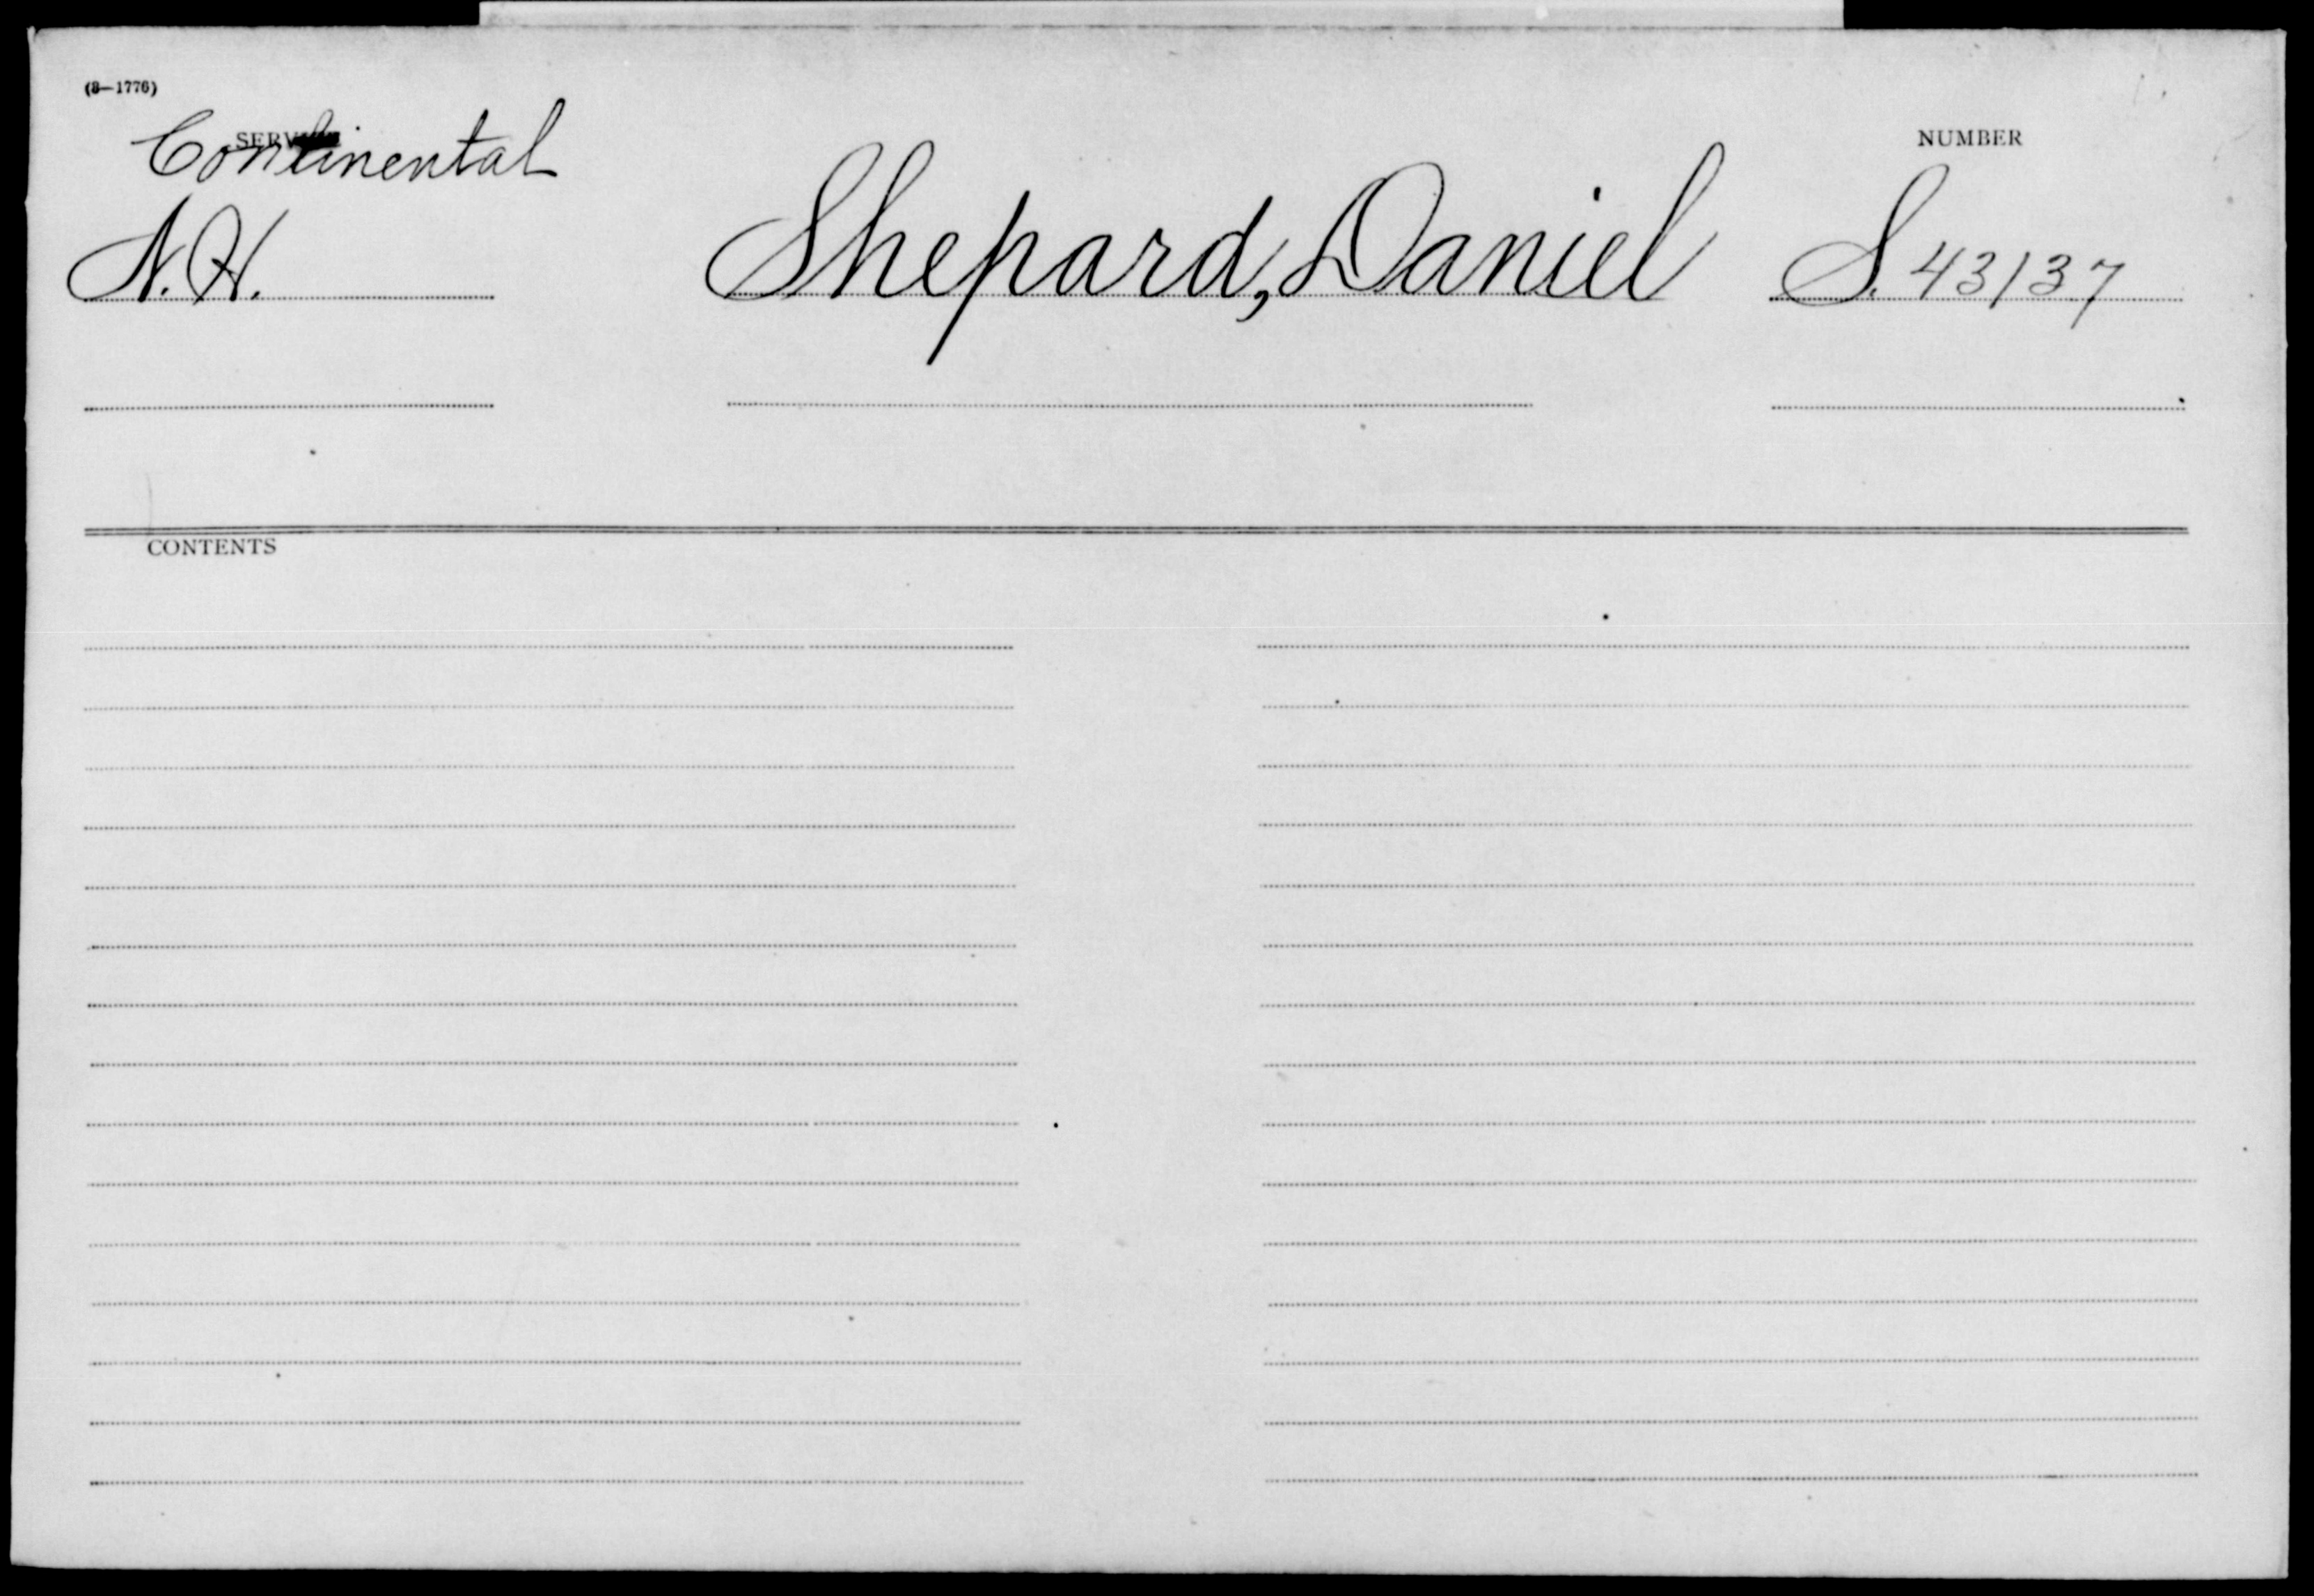(3-1776) SERVICE Continental N.H.
Shepard, Daniel
NUMBER S43137
CONTENTS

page: 1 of 25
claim: survivor's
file: S. 43137, for Daniel Shepard, New Hampshire